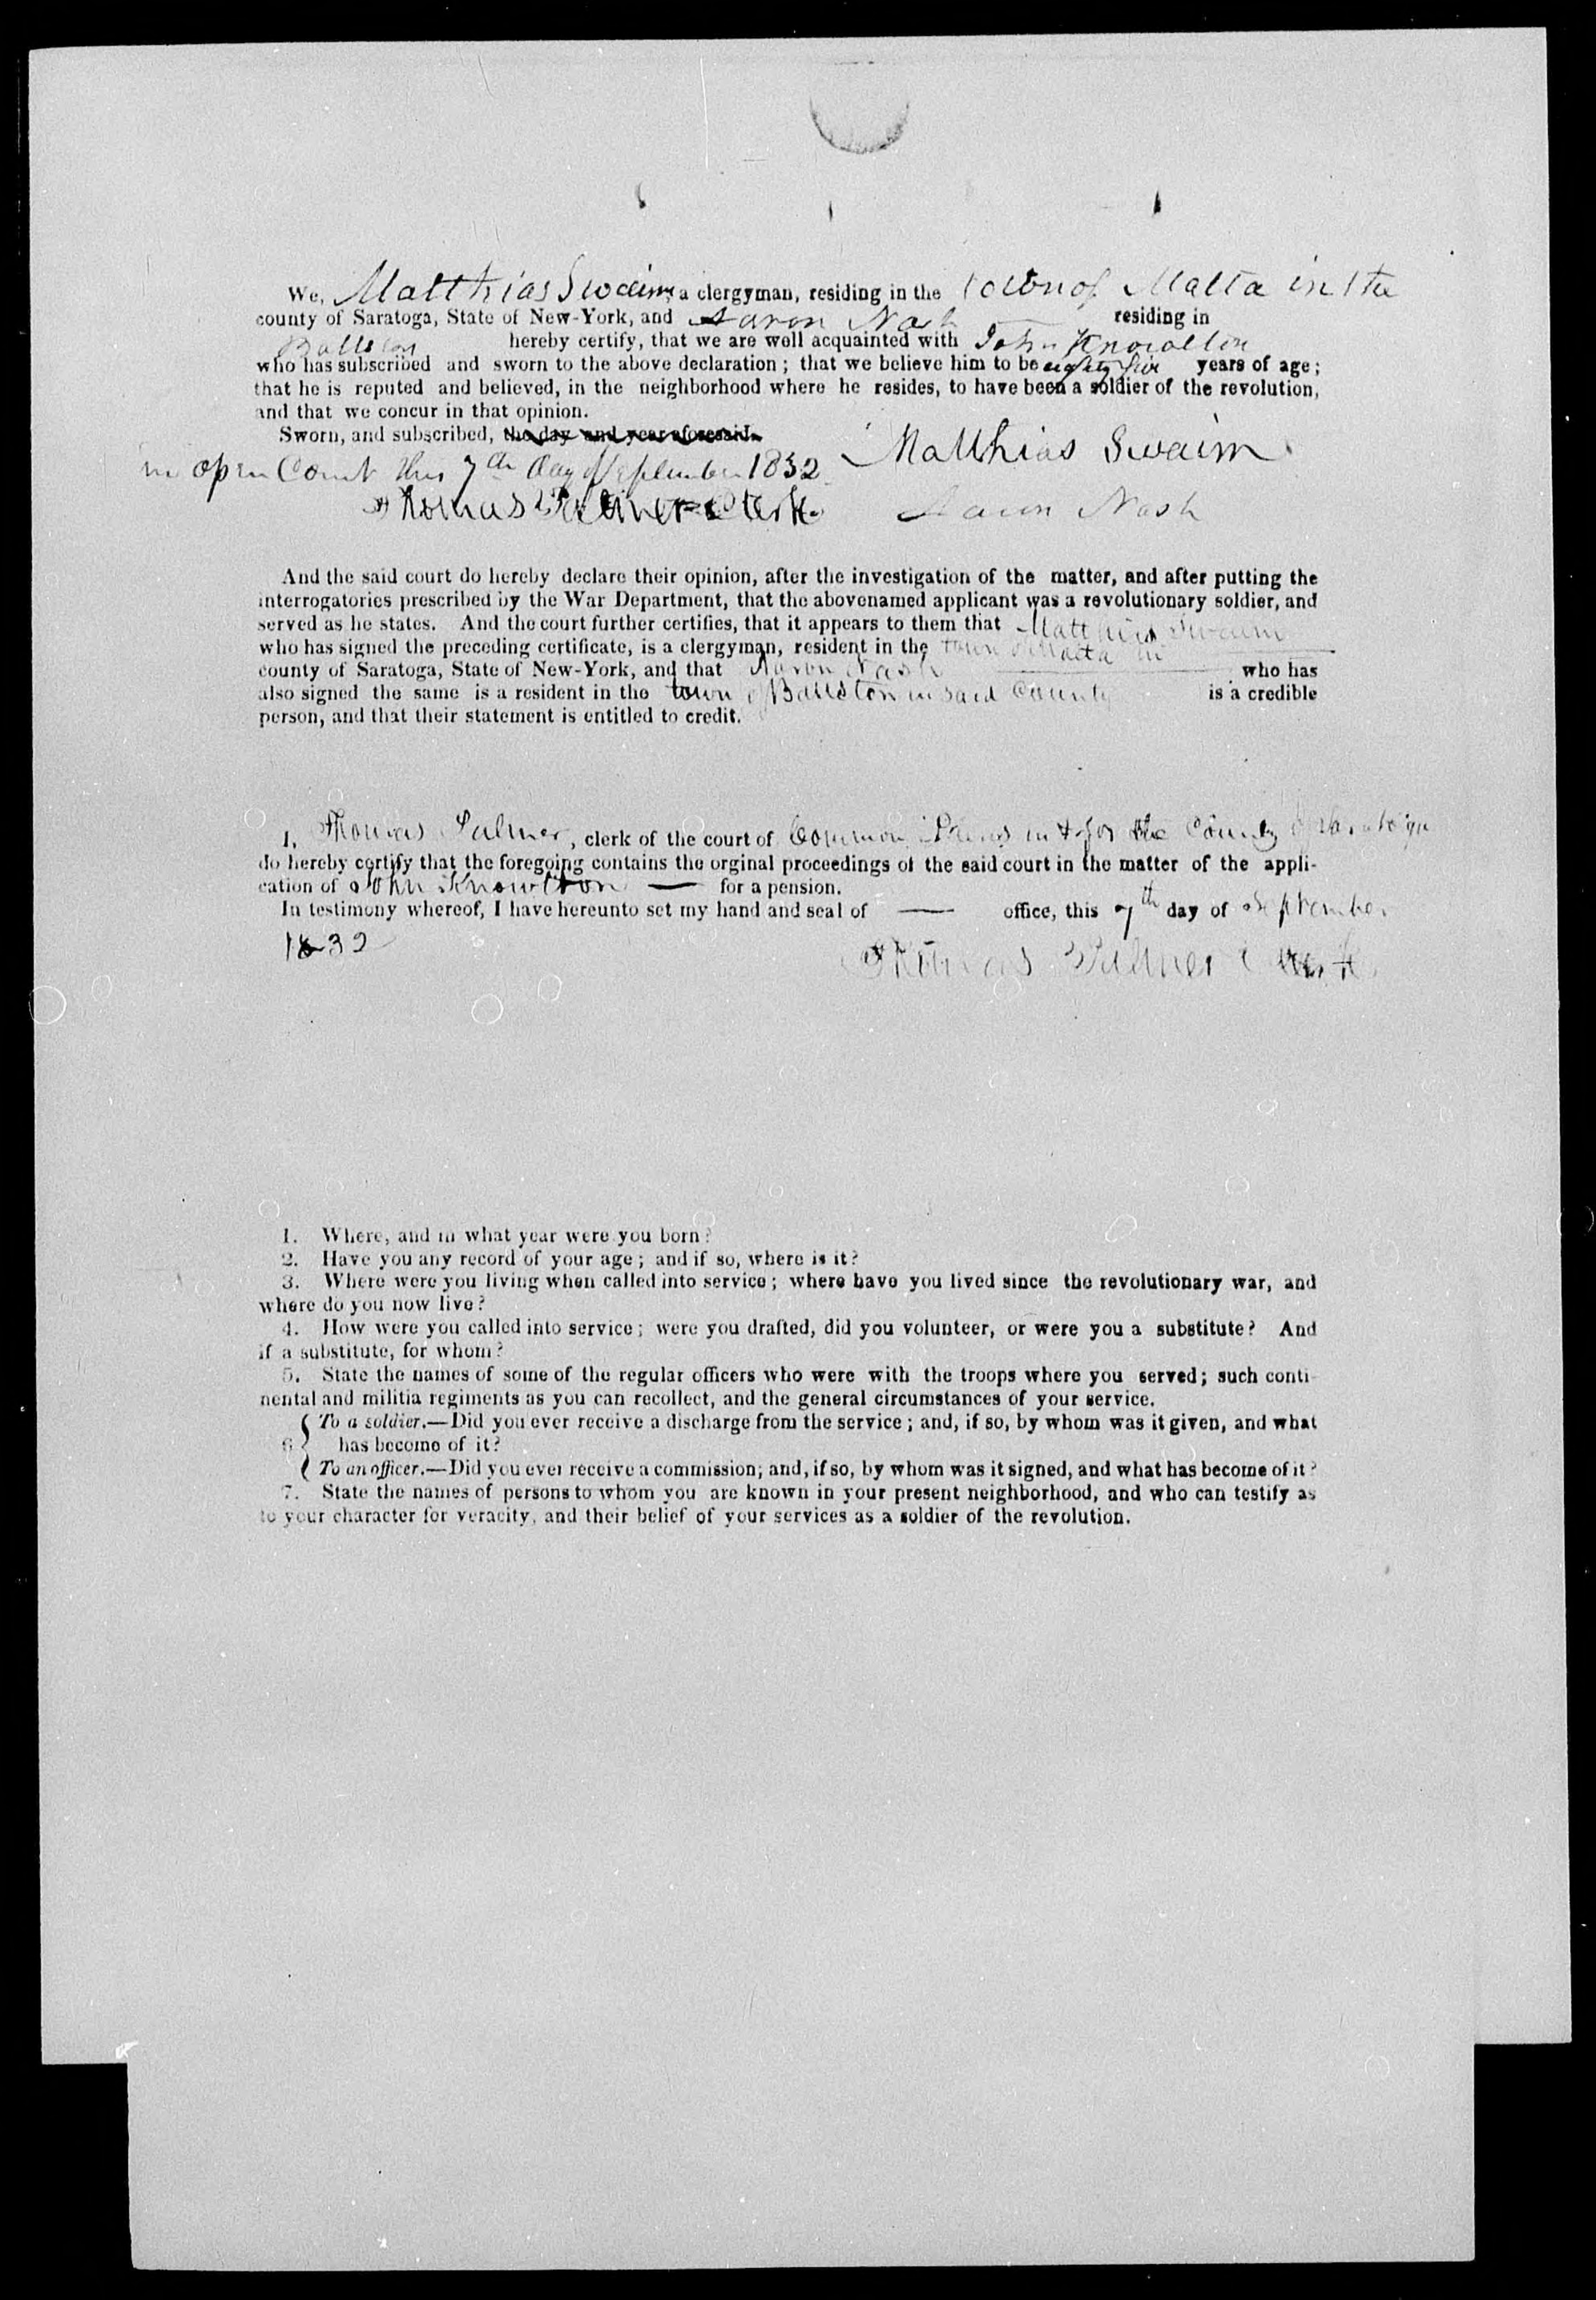We, Matthias Swain, a clergyman residing in the town of Malta in the county of Saratoga, State of New York, and Aaron Nash residing in Ballalon hereby certify that we are well acquainted with John Knowlton who has subscribed and sworn to the above declaration; that we believe him to be eighty five years of age; that he is reputed and believed in the neighborhood where he resides to have been a soldier of the revolution and that we concur in that opinion. 
Sworn and subscribed in open court this 7th day of September 1832.
Matthias Swain 
Aaron Nash
Thomas Palmer

And the said court do hereby declare their opinion after the investigation of the matter and after putting the interrogatories prescribed by the War Department that the above named applicant was a revolutionary soldier and served as he states. And the court further certifies that it appears to them that Matthias Swain who has signed the preceding certificate is a clergyman resident in the town of Malta in the county of Saratoga, State of New York and that Aaron Nash who has also signed the same is a resident in the town of Balleton in said county is a credible person and that their statement is entitled to credit.

I Thomas Palmer clerk of the court of Common Pleas in for the county do hereby certify that the foregoing contains the original proceedings of the said court in the matter of the application of John Knowlton for a pension.
In testimony whereof I have hereunto set my hand and seal of - office this 7th day of September 1832.
Thomas Palmer Clerk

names: Matthias Swaine; Thomas Palmer; Aaron Nash; John Knowlton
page: 14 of 25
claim: survivor's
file: S. 13668, for John Knowlton, New York